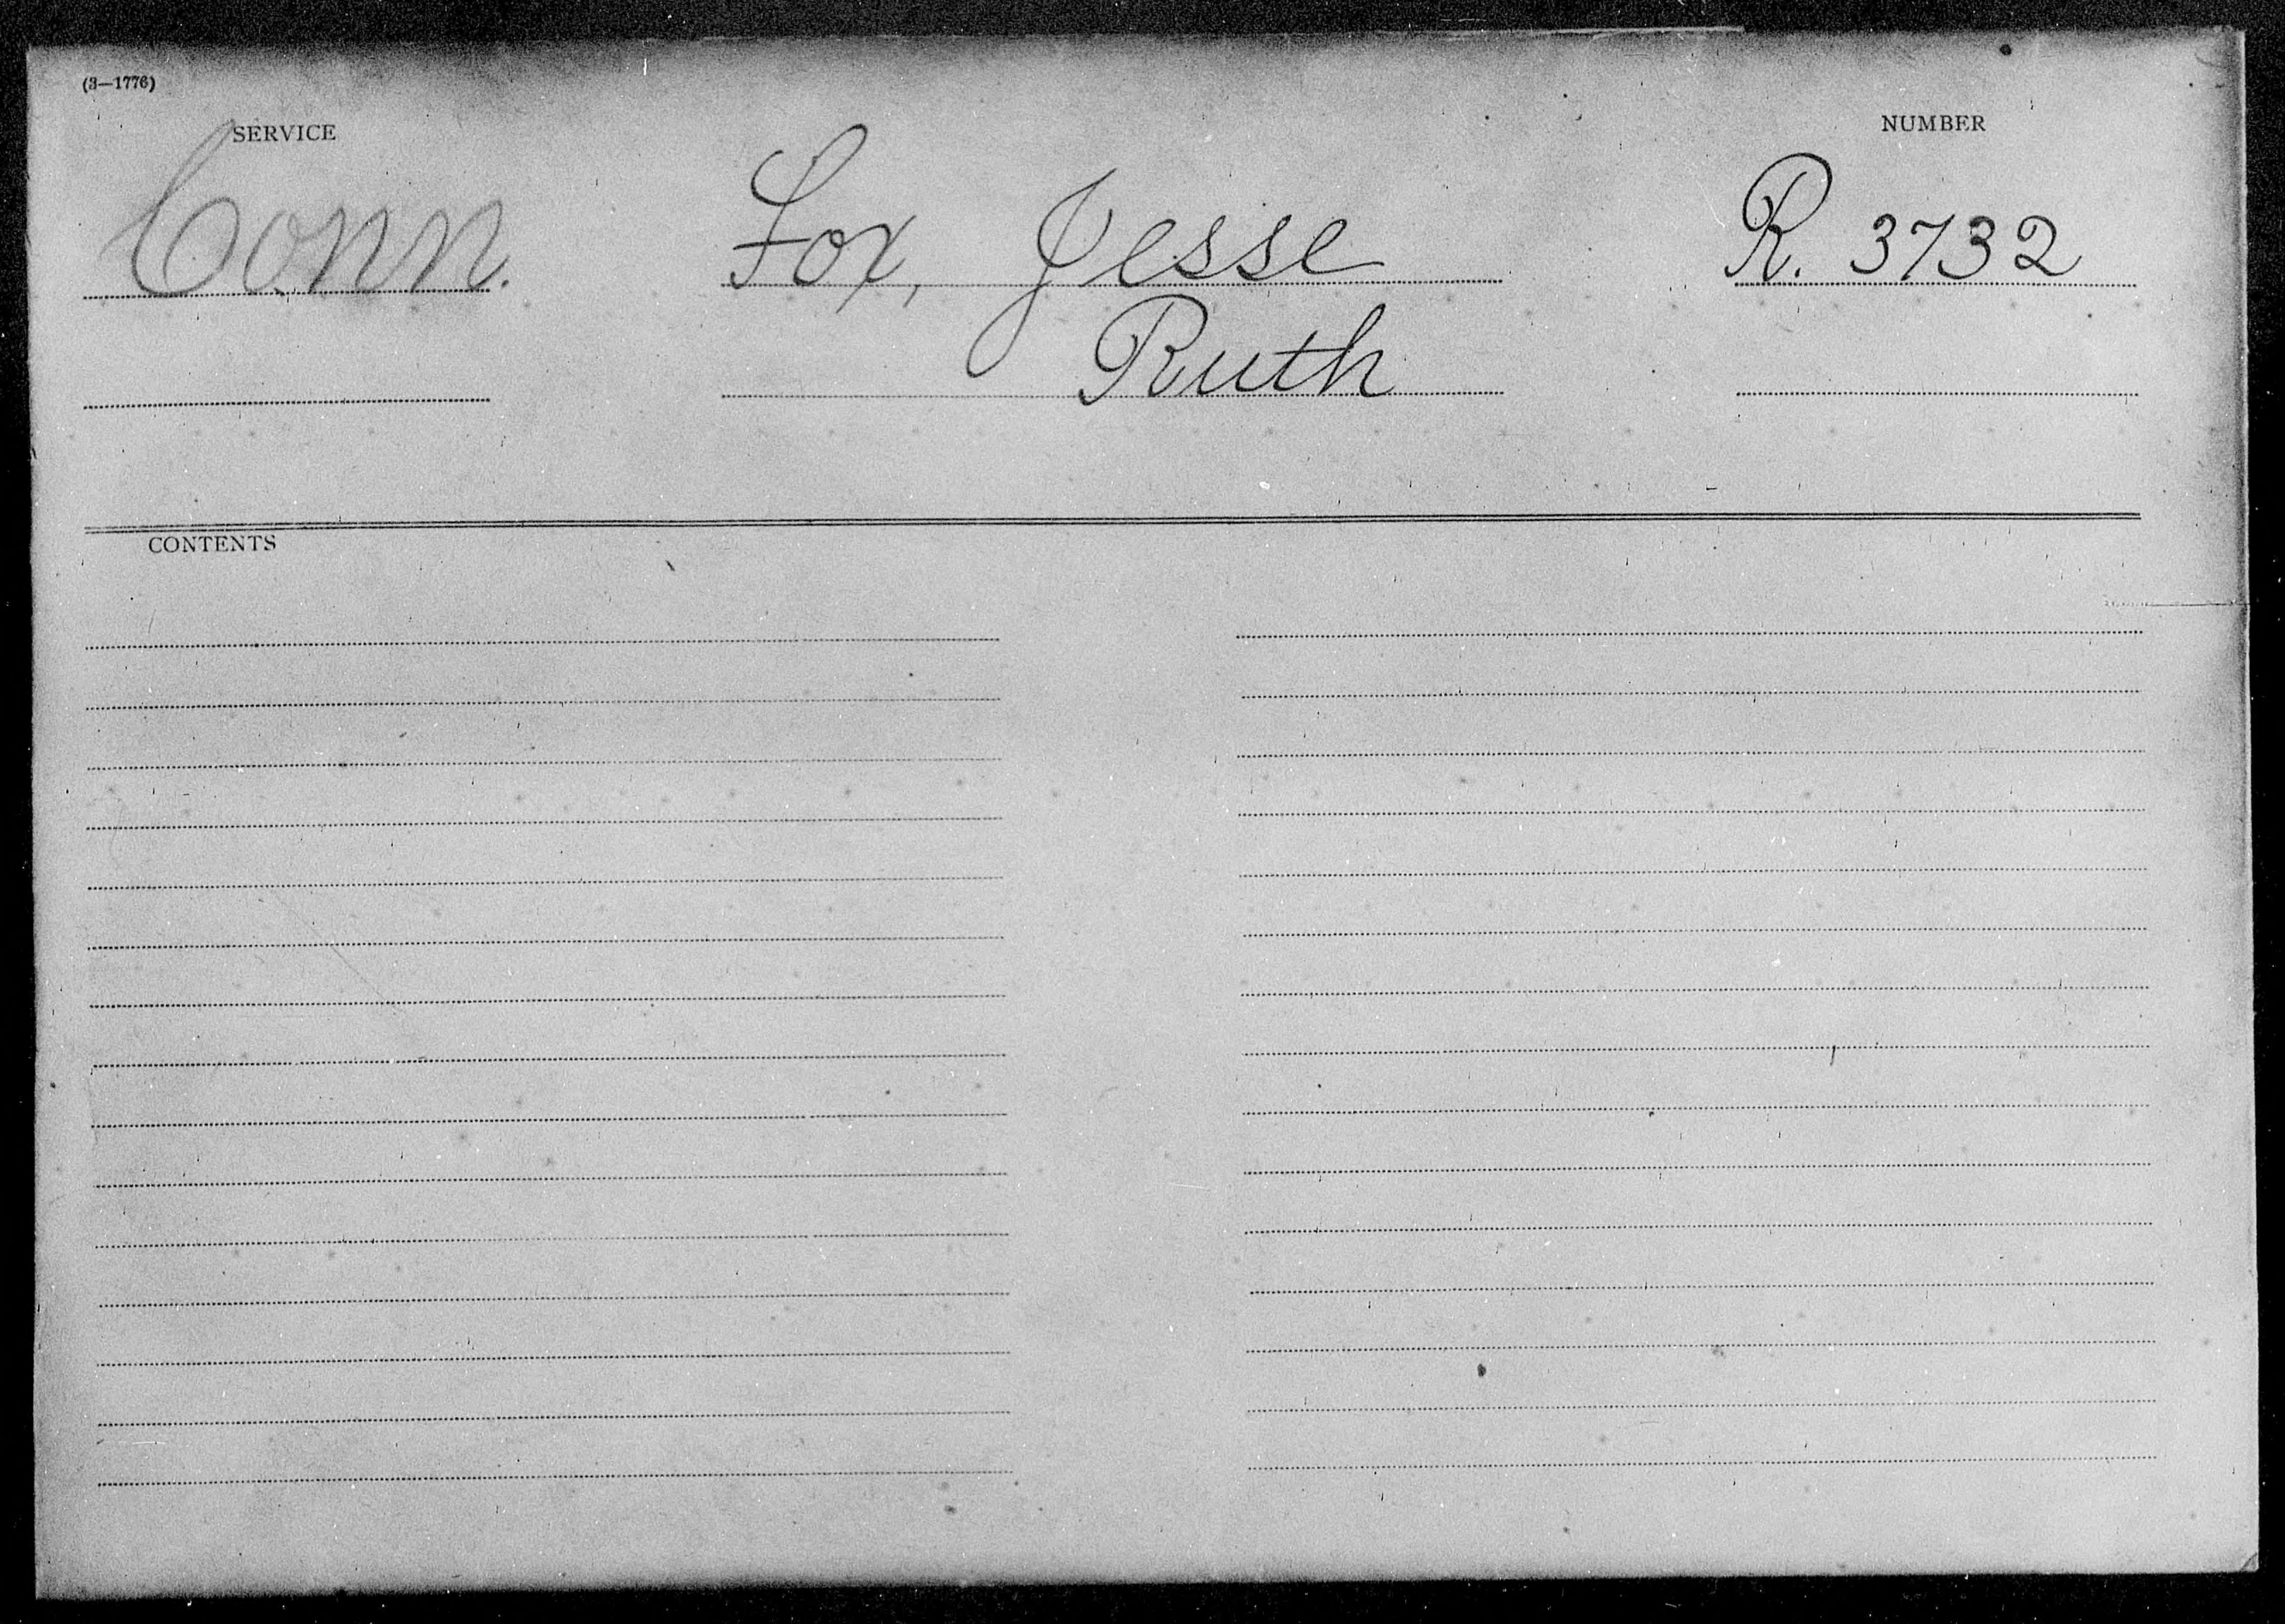Service      Number
Conn.      Fox, Jesse      R.3732
                Ruth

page: 1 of 53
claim: rejected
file: R. 3732, Jesse Fox, Conn.